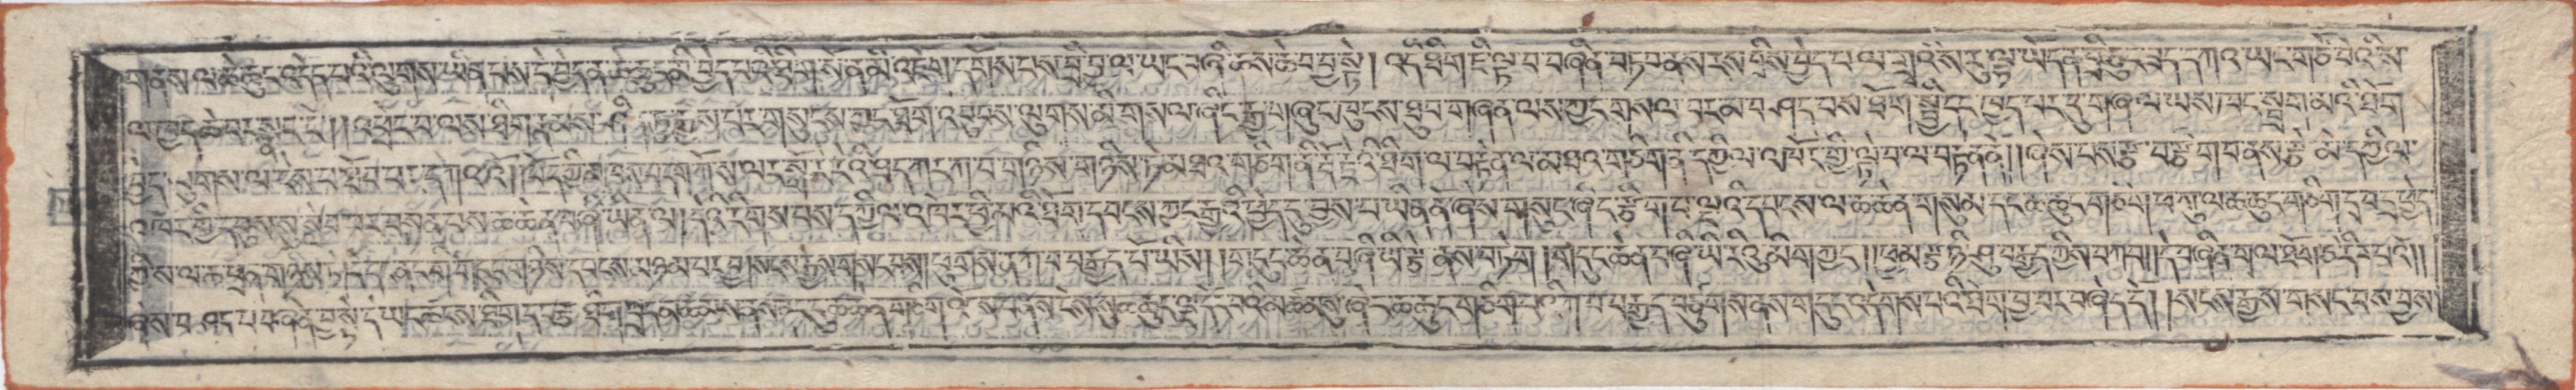གནས་ལ་ཆེ་ཆུང་འདོད་པའི་ལུགས་ཡིན་པས་དེ་བྱེད་ན་ཆེ་ཆུང་མི་བྱེད་པའི་ཐིག་སོ་ན་མི་འཇོག་དགོས་པས་བྲི་བྱ་ལ་ཡང་བཞི་ཆས་ཆེ་བ་བྱ་སྟེ། འདི་ཐིག་ཇི་ལྟ་བ་བཞིན་བཏབ་ནས་རས་བྲིས་བྱེད་པ་ལ་གྲྭའི་ས་རུ་ལྷ་ཡོད་ན་བྲི་ཅུང་ཟད་དཀའ་ཡང་གཙོ་བོའི་ས་
ལ་ཁྱད་ཆེ་བར་སྣང་ངོ། །འཕྲེང་བ་ལས་ཐིག་རྣམས་ཤིན་ཏུ་རྒྱས་པར་གསུངས་ཀྱང་ཐོག་འབུབས་ལུགས་མི་གསལ་ཞིང་རྒྱ་གཞུང་ཁུངས་ཐུབ་གཞན་ལས་ཀྱང་གསལ་བར་མ་བཤད་པས་ཐོག་སྤྱི་དང་ཁྱད་པར་དུ་གཞལ་ཡས་ཁང་སྦྲག་མའི་ཐོག་
བྱེད་ལུགས་ལ་ངེས་པ་ཐོབ་པར་དཀའ་འོ། །བོད་ཀྱི་མཁས་པ་དག་ཀོ་ས་ལར་སྒོ་རེ་རེའི་ཐད་ཀར་ཀ་བ་གཉིས་གཉིས་ཏེ་མཐའ་གཅིག་ནི་རྡོ་རྗེའི་ཐིག་ལ་བརྟེན་ལ་མཐའ་གཅིག་ནི་དཀྱིལ་འཁོར་གྱི་ལྟེ་བ་ལ་བརྟེན་ནོ། །ཞེས་པས་རྩ་བ་རྩིག་པ་ནས་རྩེ་མེ་དཀྱིལ་
འཁོར་གྱི་དབུས་སུ་སླེབ་པར་བསྟན་པས་ཆ་ཆེན་བཞི་ཡིན་ལ། དེའི་རིགས་པས་དཀྱིལ་འཁོར་ཕྱི་མའི་ཐོག་དཔངས་ཀྱང་རྒྱའི་ཕྱེད་དུ་བྱས་པ་ཡིན་ནོ་ཞེས་གསུང་ཞིང་རྩིག་པ་ལྔའི་དཔངས་ལ་ཆ་ཆེན་གསུམ་དང་ཆ་ཆུང་གཅིག་ཕ་ཀུ་ལ་ཆ་ཆུང་གཅིག་དྲ་བ་དྲ་ཕྱེད་
ཀྱི་ས་ལ་ཆ་ཕྲན་གཉིས་ཏེ། དེ་དང་ནང་གི་གདུང་གཉིས་དཔངས་མཉམ་པར་བྱ། སངས་རྒྱས་གསང་བས། ཕུགས་ན་ཀ་བ་བརྒྱད་པོ་ཡིས། །གདུང་ཆེན་བཞི་ཡི་རྩེ་ནས་བཏེག །གདུང་ཆེན་བཞི་ཡི་རིའུ་མིག་ཀྱང་། །ཕྱམ་རྩ་ཉི་ཤུ་བརྒྱད་ཀྱིས་བཀབ། །དེ་བཞིན་གལ་ཐོག་ཅི་རིགས་པའོ། །
ཞེས་བཤད་པ་བཞིན་བྱ་སྟེ་དེ་ཡང་ཚངས་ཐིག་དང་རྩ་ཐིག་ཕྲད་མཚམས་ནས་ནང་དུ་ཆ་ཆེན་གཅིག་འོངས་པ་ནས་ངོས་སུ་ཆ་ཆུང་ལྔ་དོར་བའི་མཚམས་སུ་ཞེང་ཆ་ཆུང་གཅིག་པའི་ཀ་བ་བརྒྱད་བཙུགས་ནས་གདུང་འདེགས་པའི་ཐོག་བྱ་བར་བཞེད་དོ། །སངས་རྒྱས་གསང་བས་བྱས་